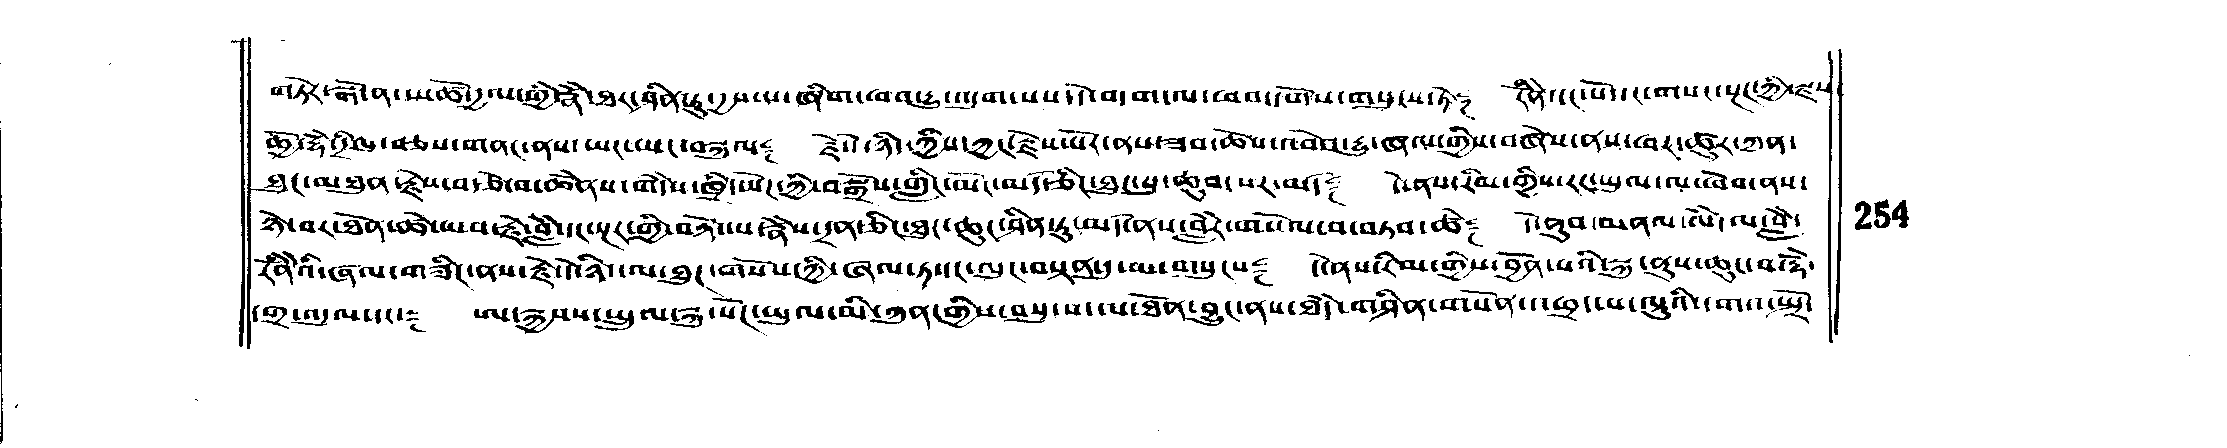གཏེར་སྒོ་ན་མཚོ་རྒྱལ་གྱི་རྣམ་ཐར་ཤིན་ཏུ་རྒྱས་པ་ཞིག་ཕབ་རྒྱུ་འདུག་པས་དེ་བདག་ལ་ཕབ་དགོས་གསུངས་ཏེ། རིན་པོ་ཆེ་དང་པོ་དང་གསང་སྔགས་ཀྱི་རྫས་
མཆོག་རྡོ་རྗེ་དྲིལ་བུ་བཅས་གནང་ནས་ཡང་ཡང་བསྐུལ། རྗེ་དེ་ཉིད་ཀྱིས་ཀྱང་རྗེས་སོར་ནས་ཟབ་ཆོས་འབེབ་རྒྱུ་ཞལ་གྱིས་བཞེས་ནས་ཕར་ཚུར་ཀུན་
ཐུགས་མཐུན་རྗེས་བརྩེ་བ་ཆེན་པོས་གདམས་ཁྲིད་སོགས་ཀྱི་བགྲོ་གླེང་མང་པོ་མཛད་ཅིང་ཐུགས་སུ་ཆུབ་པར་མཛད། དེ་ནས་རིམ་གྱིས་རང་ཡུལ་ལ་ཕེབས་ནས་
ཉེ་བར་ཐོན་ཚེ་ཡབ་རྗེ་བླ་མ་དང་སྔར་གྱི་བཀོད་པ་རྣམས་དྲན་ཅིང་ཐུགས་ཆུང་ཤིན་ཏུ་མཛད་ནས་བླ་མར་གསོལ་བ་བཏབ་ཚེ།དེ་ནུབ་མནལ་ལམ་ལ་བླ་མ་
རིན་པོ་ཆེའི་ཞལ་གཟིགས་ནས་རྗེ་དེ་ཉིད་ལ་ཐུགས་གསོས་ཀྱི་ཞལ་ཏ་དང་ལུང་བསྟན་དུ་མ་གསུངས། དེ་ནས་རིམ་གྱིས་བྱོན་པའི་སྐུ་ནུས་ཆུང་བ་རྡོ་རྗེ་
དགྲ་འདུལ་དང་། ཨ་སྐྱབས་སྤྲུལ་སྐུ་སོགས་ཡུལ་མི་ཀུན་གྱིས་བསུ་བ་ལ་ཐོན་བྱུང་ནས་ཐམས་ཅད་གཤིན་གསོན་འཕྲད་པ་ལྟ་བུའི་དགའ་སྤྲོ་